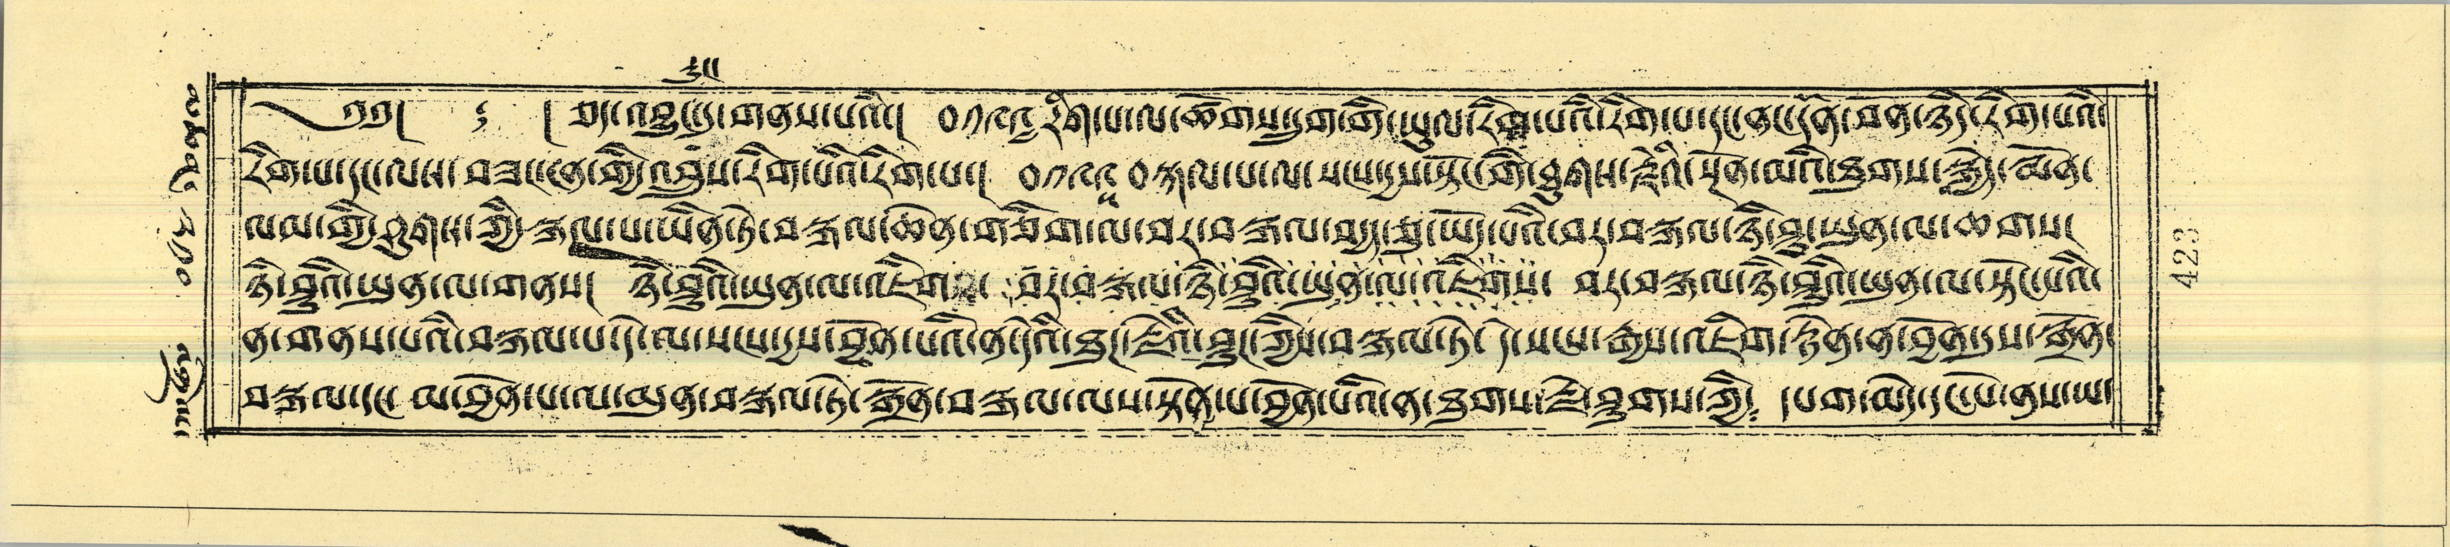ཅད་འབྱུང་རུང་དུ་གནས་པའི་བ༡༩༩།༤༼རིག་པ་ལ༽ཚོགས་དྲུག་གི་ཡུལ་རིག་པའི་རིག་པ་དང་ནང་དོན་བོན་ཉིད་རིག་པའི་རིག་པ་༼དང་ལས༽བཟང་ངན་གྱི་འབྲས་བུ་རིག་པའི་
རིག་པ་བ༡༩༩།༥༼བསྐལ་པ་ལ༽སངས་རྒྱས་སྟོང་གི་༼ཐུགས་རྗེའི༽སྔོན་མའི་ཐུགས་བསྐྱེད་སྨོན་
ལམ་གྱི་༼ཤུགས༽ཀྱི་བསྐལ་པ་ཡིན་ཏེ་བསྐལ་ཆེན་གཅིག་ལ་བར་བསྐལ་བརྒྱད་ཅུ་ཡོད་པའི་བར་བསྐལ་ཉི་ཤུ་ཡུན་ལ་ཆགས། 
ཉི་ཤུའི་ཡུན་ལ་གནས། ཉི་ཤུའི་ཡུན་ལ་འཇིག་བར་བསྐལ་ཉི་ཤུའི་ཡུན་ལ་འཇིགས་ བར་བསྐལ་ཉུ་ཤུའི་ཡུན་ལ་སྟོང་པའི་
ན་གནས་པའི་བསྐལ་པ་དེ་ལ་སངས་རྒྱས་བྱོན་པས་ན་དེའི་ཐུགས་རྗེའི་ཤུགས་ཀྱིས་བསྐལ་ཏེ། དེ་སངས་རྒྱས་འཇིག་རྟེན་དུ་བྱོན་དུས་སྒྲོན་
བསྐལ་དང་། མ་བྱོན་པ་ལ་མུན་བསྐལ་ཏེ་སྒྲོན་བསྐལ་ལས་སྟོན་པ་བྱོན་པས་ན་ཐུགས་རྗེ་ཤུགས་ཀྱི༑ དཔག་མེད་དང་པོ་ནས་ཡ་